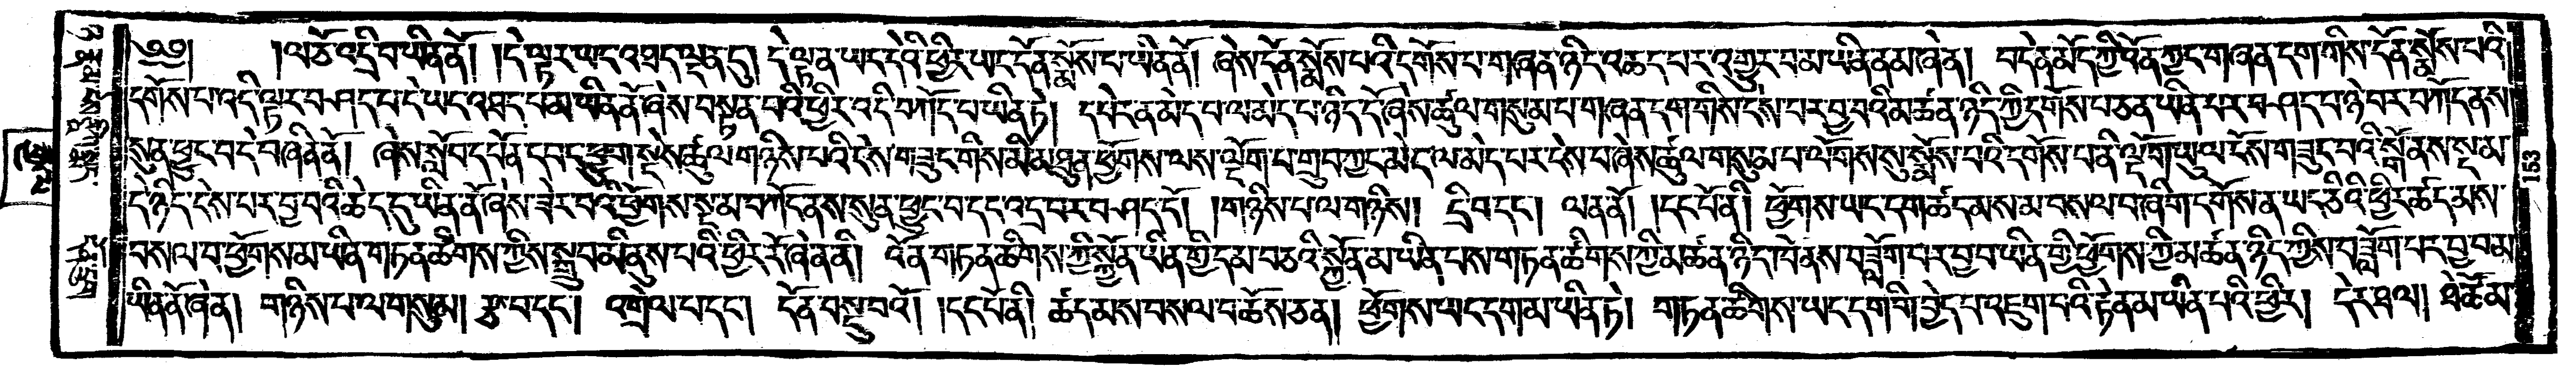༄༅། །ལ་ཅོ་འདྲི་བ་ཡིན་ནོ། །དེ་ལྟར་ཡང་འཐད་ལྡན་དུ། དེ་ལྟ་ན་ཡང་དེའི་ཕྱིར་ཡང་དོན་སྨོས་པ་ཡིན་ནོ། ཞེས་དོན་སྨོས་པའི་དགོས་པ་གཞན་ཉིད་འཆད་པར་འགྱུར་བ་མ་ཡིན་ནམ་ཞེ་ན། བདེན་མོད་ཀྱི་འོན་ཀྱང་གཞན་དག་གིས་དོན་སྨོས་པའི་
དགོས་པ་འདི་ལྟར་བཤད་པ་དེ་ཡང་འཐད་པ་མ་ཡིན་ནོ་ཞེས་བསྟན་པའི་ཕྱིར་འདི་བཀོད་བ་ཡིན་ཏེ། དཔེར་ན་མེད་པ་ལ་མེད་པ་ཉིད་དོ་ཞེས་ཚུལ་གསུམ་པ་གཞན་དག་གིས་ངེས་པར་བྱ་བའི་མཚན་ཉིད་ཀྱི་དགོས་པ་ཅན་ཡིན་པར་བཤད་པ་ཉེ་བར་བཀོད་ནས་
སུན་ཕྱུང་བ་དེ་བཞིན་ནོ། ཞེས་སློབ་དཔོན་དབང་ཕྱུག་སྡེས་ཚུལ་གཉིས་པའི་ངེས་གཟུང་གིས་མི་མཐུན་ཕྱོགས་ལས་ལྡོག་པ་གྲུབ་ཀྱང་མེད་ལ་མེད་པར་དེས་པ་ཞེས་ཚུལ་གསུམ་པ་ལོགས་སུ་སྨོས་པའི་དགོས་པ་ནི་ལྡོག་ཡུལ་ངོས་གཟུང་བའི་སྒོ་ནས་སྔ་མ་
དེ་ཉིད་ངེས་པར་བྱ་བའི་ཆེད་དུ་ཡིན་ནོ་ཞེས་ཟེར་བའི་ཕྱོགས་སྔ་མ་བཀོད་ནས་སུན་ཕྱུང་བ་དང་འདྲ་བར་བཤད་དོ། །གཉིས་པ་ལ་གཉིས། དྲི་བ་དང་། ལན་ནོ། །དང་པོ་ནི། ཕྱོགས་ཡང་དག་ཚད་མས་མ་བསལ་བ་ཞིག་དགོས་ན་ཡང་ཅིའི་ཕྱིར་ཚད་མས་
བསལ་པ་ཕྱོགས་མ་ཡིན་གཏན་ཚིགས་ཀྱིས་སྒྲུབ་མི་ནུས་པའི་ཕྱིར་རོ་ཞེ་ན་ནི། འོན་གཏན་ཚིགས་ཀྱི་སྐྱོན་ཡིན་གྱི་དམ་བཅའི་སྐྱོན་མ་ཡིན་པས་གཏན་ཚིགས་ཀྱི་མཚན་ཉིད་ཁོ་ནས་བཟློག་པར་བྱ་བ་ཡིན་གྱི་ཕྱོགས་ཀྱི་མཚན་ཉིད་ཀྱིས་བཟློག་པར་བྱ་བ་མ་
ཡིན་ནོ་ཞེ་ན། གཉིས་པ་ལ་གསུམ། རྩ་བ་དང་། འགྲེལ་པ་དང་། དོན་བསྡུ་བའོ། །དང་པོ་ནི། ཚད་མས་བསལ་བ་ཆོས་ཅན། ཕྱོགས་ཡང་དག་མ་ཡིན་ཏེ། གཏན་ཚིགས་ཡང་དག་གི་བྱེད་པ་འཇུག་པའི་རྟེན་མ་ཡིན་པའི་ཕྱིར། དེར་ཐལ། ཐེ་ཚོམ་